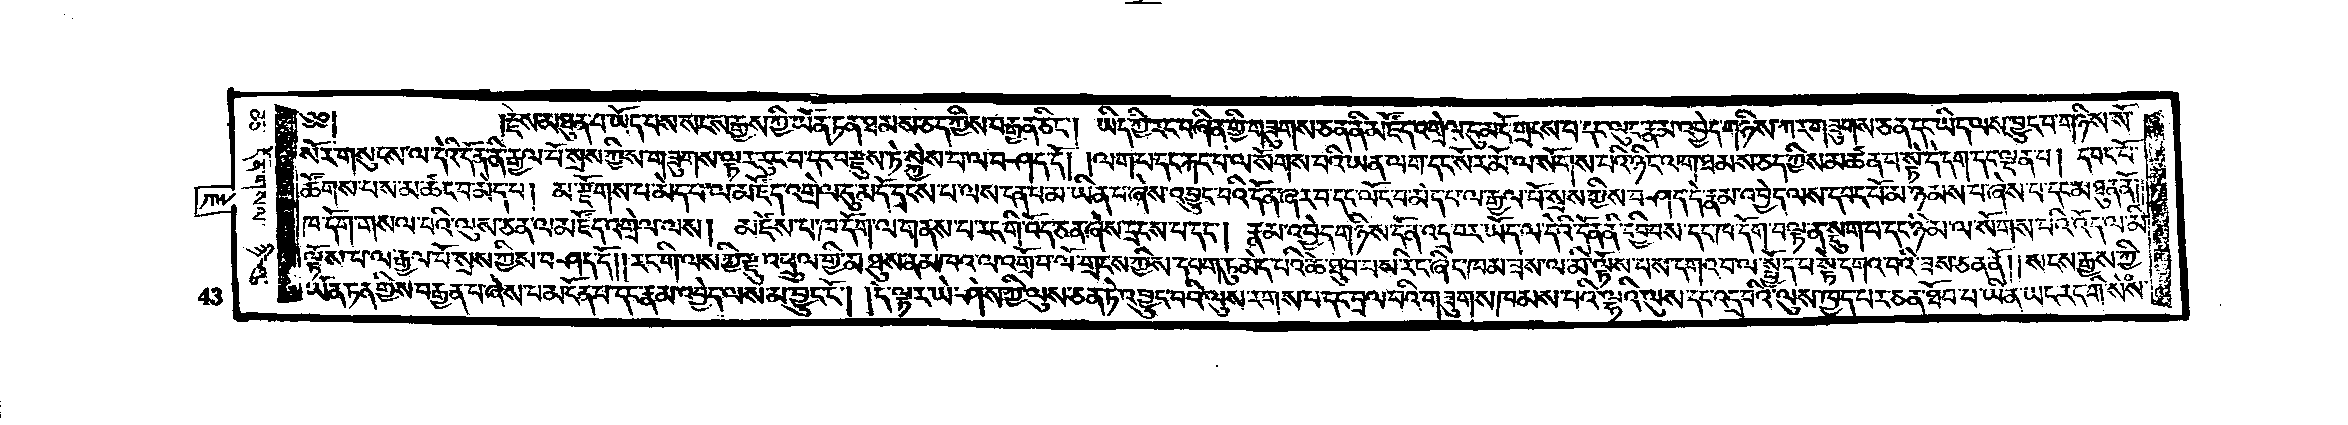༄༅། །རྫས་མཐུན་པ་ཡོད་པས་སངས་རྒྱས་ཀྱི་ཡོན་ཏན་ཐམས་ཅད་ཀྱིས་བརྒྱན་ཅིང་། ཡིད་ཀྱི་རང་བཞིན་གྱི་གཟུགས་ཅན་ནི་མཛོད་འགྲེལ་དུ་མདོ་གྲངས་པ་དང་ལུང་རྣམ་འབྱེད་གཉིས་ཀར་གཟུགས་ཅན་དང་ཡིད་ལས་བྱུང་བ་གཉིས་སོ་
སོར་གསུངས་ལ་དེའི་དོན་ནི་རྒྱལ་པོ་སྲས་ཀྱིས་གཟུགས་ལྟར་རུང་བ་དང་བརྫུས་ཏེ་སྐྱེས་པ་ལ་བཤད་དོ། །ལག་པ་དང་རྐང་པ་ལ་སོགས་པའི་ཡན་ལག་དང་སོར་མོ་ལ་སོགས་པའི་ཉིང་ལག་ཐམས་ཅད་ཀྱིས་མཚན་པ་སྟེ་དེ་དག་དང་ལྡན་པ། དབང་པོ་
ཚོགས་པས་མ་ཚང་བ་མེད་པ། མ་རྫོགས་པ་མེད་པ་ལ་མཛོད་འགྲེལ་དུ་མདོ་དྲངས་པ་ལས་ངན་པ་མ་ཡིན་པ་ཞེས་འབྱུང་བའི་དོན་ཞར་བ་དང་ལོང་བ་མེད་པ་ལ་རྒྱལ་པོ་སྲས་ཀྱིས་བཤད་དེ་རྣམ་འབྱེད་ལས་དབང་པོ་མ་ཉམས་པ་ཞེས་པ་དང་མཐུན་ནོ། །
ཁ་དོག་གསལ་བའི་ལུས་ཅན་ལ་མཛོད་འགྲེལ་ལས། མཛེས་པ་ཁ་དོག་ལ་གནས་པ་རང་གི་འོད་ཅན་ཞེས་དྲངས་པ་དང་། རྣམ་འབྱེད་གཉིས་དོན་འདྲ་བར་ཡོད་ལ་དེའི་དོན་ནི་དབྱིབས་དང་ཁ་དོག་བལྟ་ན་སྡུག་པ་དང་ཉི་མ་ལ་སོགས་པའི་འོད་ལ་མི་
ལྟོས་པ་ལ་རྒྱལ་པོ་སྲས་ཀྱིས་བཤད་དོ། །རང་གི་ལས་ཀྱི་རྫུ་འཕྲུལ་གྱི་མཐུས་ནམ་མཁའ་ལ་འགྲོ་བ་ལོ་གྲངས་ཀྱིས་དཔག་ཏུ་མེད་པའི་ཆེ་ཐུབ་པས་རིང་ཞིང་ཁམ་ཟས་ལ་མི་ལྟོས་པས་དགའ་བ་ལ་སྤྱོད་པ་སྟེ་དགའ་བའི་ཟས་ཅན་ནོ། །སངས་རྒྱས་ཀྱི་
ཡོན་ཏན་གྱིས་བརྒྱན་པ་ཞེས་པ་མངོན་པ་དང་རྣམ་འབྱེད་ལས་མ་བྱུང་ངོ། །དེ་ལྟར་ཡེ་ཤེས་ཀྱི་ལུས་ཅན་ཏེ་འབྱུང་བའི་ལུས་རགས་པ་དང་བྲལ་བའི་གཟུགས་ཁམས་པའི་ལྷའི་ལུས་དང་འདྲ་བའི་ལུས་ཁྱད་པར་ཅན་ཐོབ་པ་ཡིན་ཡང་རང་གི་སེམས་